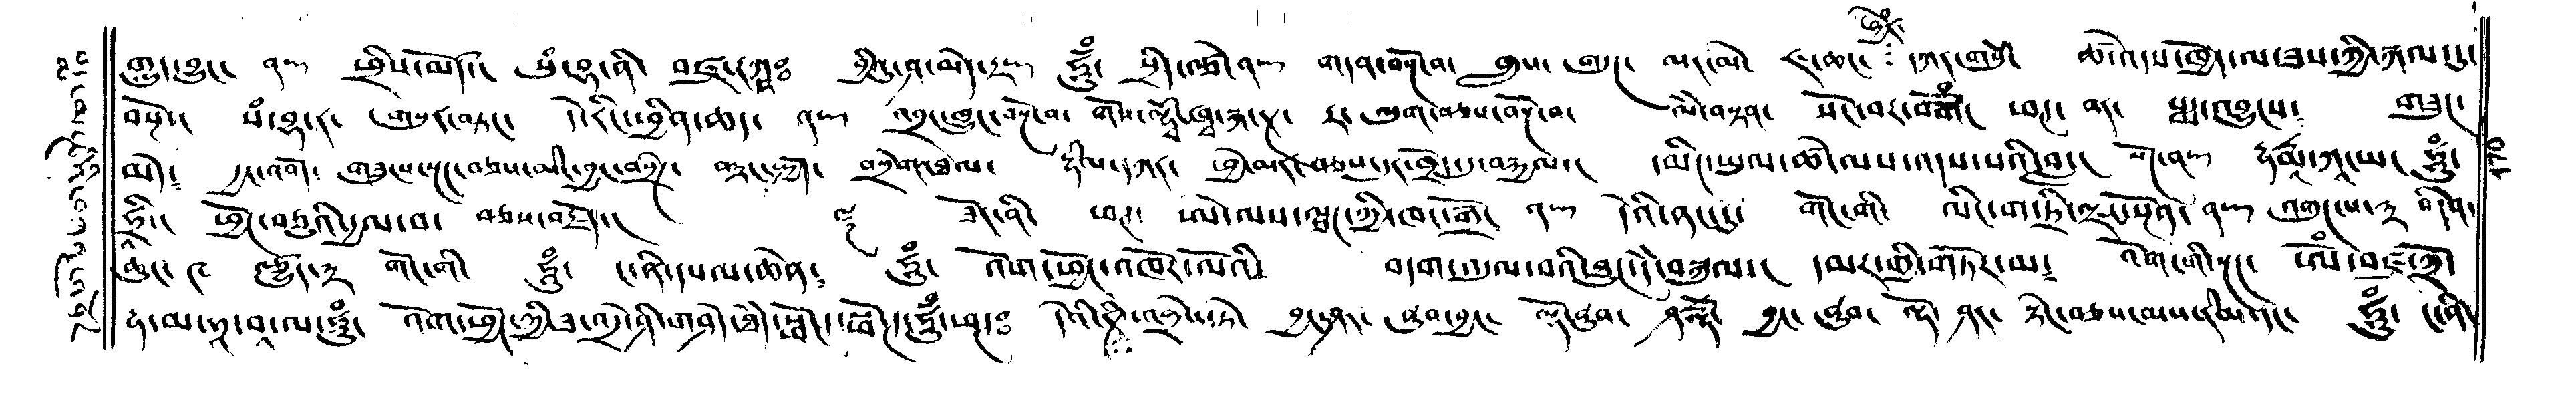གླུདཔབྱུང༴ ནས། ཕྲིནཔལསཔམཛོད། སུཾཔབྷཔནིཿ བཛྲཔརཀྵ བྱིའུཔཤཔམེདཔརྟས། ཧཱུྃ། སྲིདཔརྩེ༴ ནས། གདནཔབསྔོཔབ། ཁྲུས། གདུགས། མརཔམེ། ཇཔཆངཔ། ཕྱེཔམར། དཀརཔགསུམ། ཚེཔའདསཔཁྱོདཔལཔཟསཔཀྱིཔསྐལཔདུ་
བསྔོ། སཾཔབྷཔར༴ གསུརཔགཏངཔ། དེཔརིངཔཕྱིནཔཆད༴ ནས། འབྲངཔཁྱུངཔབསྔོཔབ། གོསཔལྷྭམཔཞྭཔསྐཔརགས། རྟ། ལུགཔབཅསཔབསྔོཔབ། ལམཔབསྟན། སོངཔབརཔབསྒོམ། ཕཊཿ བར། ་དྨཔའབྱུངཔགནས༴ གཟུགས་
མེད༴ རྒྱངཔའབོད། གཟུངསཔསྔགསཔབཅསཔམིངཔབྱངཔབསྲེག།བཟངཔསྤྱོད། སྲེགཔཐལ། རྡེལཔདཀར། ཕྱེཔམརཔབཅསཔདུརཔཁྲོདཔདུཔབ ལ། དམིགསཔཡུལཔཚེཔལསཔའདསཔ་འིཔབླ༴ སོགསཔནས། དྷརྨཱཔཀཱཔཡ༴ ཧཱུྃ་
ཧྲཱིཿ ཕྱོགསཔབཅུའིཔརྒྱལཔབ༴ བཅསཔབརྗོད། ༈ ཟོརཔནི། ཕཊཿ ཨེཔལསཔལྕགསཔཀྱིཔཁངཔསྒྲོམ༴ ནས། དེའིཔནངཔདུ། གོངཔགི ལིངཔགཔཏྲིཔལྗངཔསྔོན༴ ནས། འགུགསཔ་པགསུམ། བདེན་
ཆུང་དགུ། རྩ་རྒྱུད་ ། གོང་གི ཧཱུྃ། ང་ནིཔད་ལཔཆེན༴ ཧཱུྃ། འོག་ཕྱོགས་འཁོར་ལོའི༴ བདག་འདུལ་བའི་ཐུགས་པད་མ་བསྐུལ། དམར་གྱི་གཏོར་མ༴ འོག་གི་སྔགས། ཨོཾ་བཛྲ་ཀྲོ་དྷ་
མཧཱ་བཱ་ལཧཱུྃ། འོག་ཕྱོགས་ཀྱི་ཟམའདྲེམཤིམགཤེདམཐམསམཅདམསྥོཊ་སྥོཊ་ཧཱུྃ་ཕཊཿ དེས་རིགས་འགྲེས་ཏེ། བྱང་ཤར། ནུབ་བྱངཔ། ཤརཔལྷོ། བྱངཔཤར། ནུབ། ལྷོ། ཤར། སྟེངཔབཅསཔམསཔརིམཔདངཔ། ཧཱུྃ། ངཔནིཔ